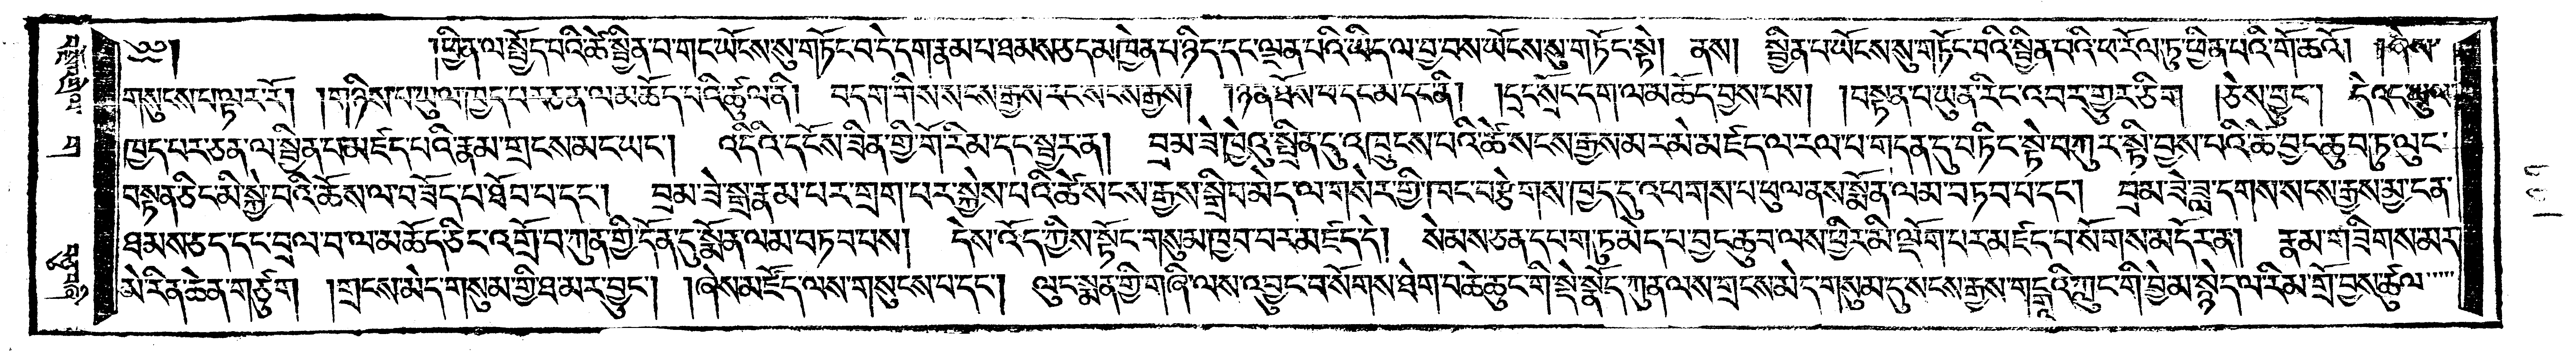༄༅། །ཕྱིན་ལ་སྤྱོད་པའི་ཚེ་སྤྱིན་པ་གང་ཡོངས་སུ་གཏོང་བ་དེ་དག་རྣམ་པ་ཐམས་ཅད་མཁྱེན་པ་ཉིད་དང་ལྡན་པའི་ཡིད་ལ་བྱ་བས་ཡོངས་སུ་གཏོང་སྟེ། ནས། སྦྱིན་པ་ཡོངས་སུ་གཏོང་བའི་སྦྱིན་པའི་ཕ་རོལ་ཏུ་ཕྱིན་པའི་གོ་ཆའོ། །ཞེས་
གསུངས་པ་ལྟར་རོ། །གཉིས་པ་ཡུལ་ཁྱད་པར་ཅན་ལ་མཆོག་པའི་ཚུལ་ནི། བདག་གིས་སངས་རྒྱས་རང་སངས་རྒྱས། །ཉན་ཐོས་ཕ་དང་མ་དང་ནི། །དྲང་སྲོང་དག་ལ་མཆོད་བྱས་པས། །བསྟན་པ་ཡུན་རིང་འབར་གྱུར་ཅིག །ཅེས་བྱུང་། དེའང་ཡུལ་
ཁྱད་པར་ཅན་ལ་སྦྱིན་པ་མཛད་པའི་རྣམ་གྲངས་མང་ཡང་། འདིའི་དངོས་ཟིན་གྱི་གོ་རིམ་དང་སྦྱར་ན། བྲམ་ཟེ་ཁྱེའུ་སྤྲིན་དུ་འཁྲུངས་པའི་ཚེ་སངས་རྒྱས་མར་མེ་མཛད་ལ་རལ་པ་གདན་དུ་བཏིང་སྟེ་བཀུར་སྟི་བྱས་པའི་ཚེ་བྱང་ཆུབ་ཏུ་ལུང་
བསྟན་ཅིང་མི་སྐྱེ་བའི་ཆོས་ལ་བཟོད་པ་ཐོབ་པ་དང་། བྲམ་ཟེ་སྒྲ་རྣམ་པར་གྲག་པར་སྐྱེས་པའི་ཚེ་སངས་རྒྱས་སྒྲིབ་མེད་ལ་གསེར་གྱི་ཁང་བརྩེགས་ཁྱད་དུ་འཕགས་པ་ཕུལ་ནས་སྨོན་ལམ་བཏབ་པ་དང་། བྲམ་ཟེ་ཟླ་དགས་སངས་རྒྱས་མྱ་ངན་
ཐམས་ཅད་དང་བྲལ་བ་ལ་མཆོད་ཅིང་འགྲོ་བ་ཀུན་གྱི་དོན་དུ་སྨོན་ལམ་བཏབ་བས། དེས་འོད་ཀྱིས་སྟོང་གསུམ་ཁྱབ་པར་མཛད་དེ། སེམས་ཅན་དཔག་ཏུ་མེད་པ་བྱང་ཆུབ་ལས་ཕྱིར་མི་ལྡོག་པར་མཛད་པ་སོགས་མདོར་ན། རྣམ་གཟིགས་མར་
པེ་རིན་ཆེན་གཙུག །གྲངས་མེད་གསུམ་གྱི་ཐ་མར་བྱུང་། །ཞེས་མཛོད་ལས་གསུངས་པ་དང་། ལུང་སྨན་གྱི་གཞི་ལས་འབྱུང་བ་སོགས་ཐེག་པ་ཆེ་ཆུང་གི་སྡེ་སྣོད་ཀུན་ལས་གྲངས་མེད་གསུམ་དུ་སངས་རྒྱས་གངྒའི་ཀླུང་གི་བྱེ་མ་སྙེད་ལ་རིམ་གྲོ་བྱས་ཚུལ་